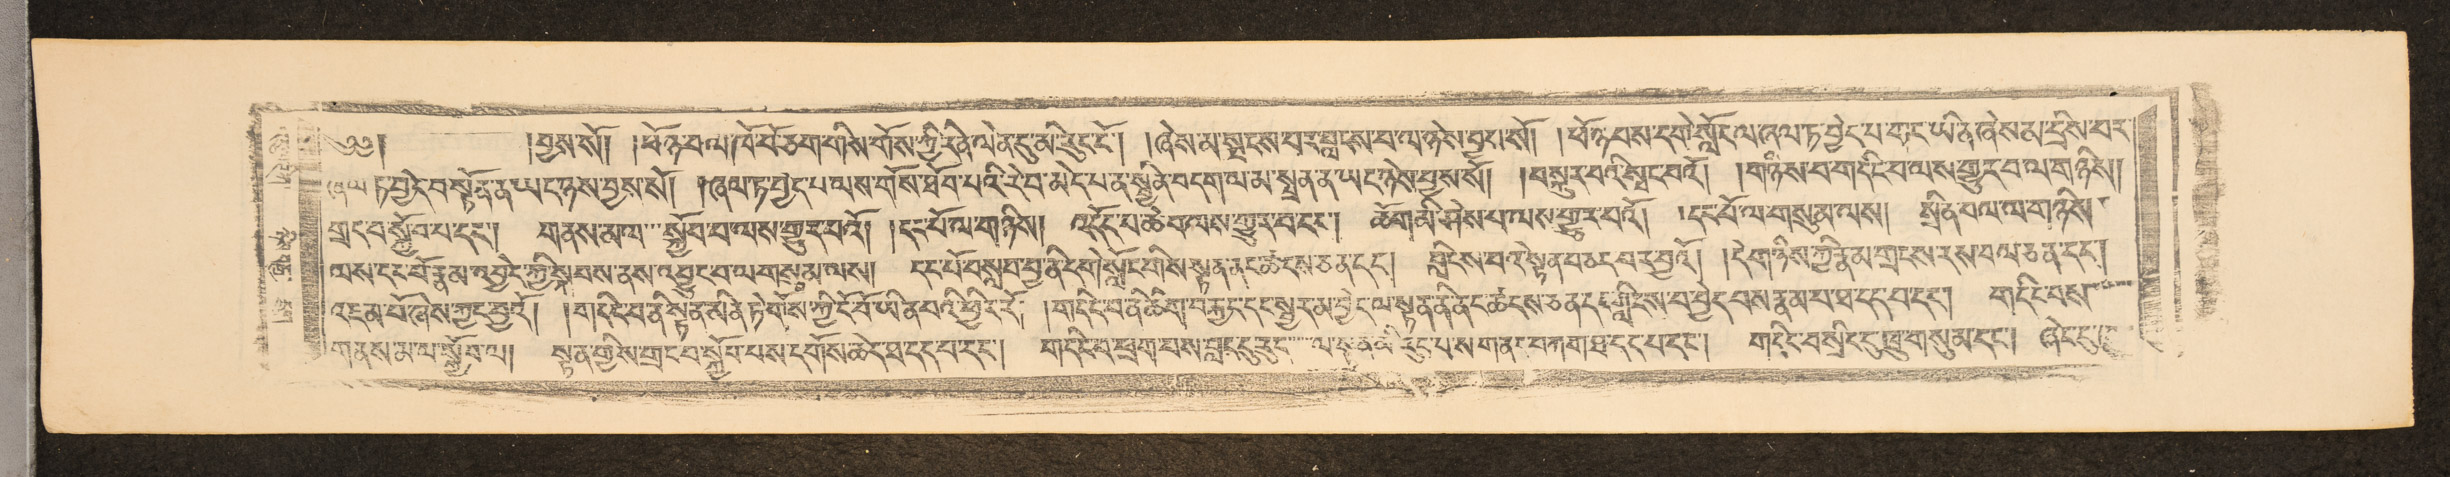༄༅། །བྱས་སོ། །ཕོ་ཉ་བ་ལ་ཁོ་བོ་ཅག་གིས་གོས་ཀྱི་རིན་ལེན་དུ་མི་རུང་ངོ། །ཞེས་མ་སྤངས་པར་བླངས་པ་ལ་ཉེས་བྱས་སོ། །ཕོ་ཉ་བས་དགེ་སློང་ལ་ཞལ་ཏ་བྱེད་པ་གང་ཡིན་ཞེས་མ་དྲིས་པར་
ཞལ་ཏ་བྱེད་པ་སྟོན་ན་ཡང་ཉེས་བྱས་སོ། །ཞལ་ཏ་བྱེད་བ་ལས་གོས་ཐོབ་པའི་རེ་བ་མེད་པ་ན་སྦྱིན་བདག་ལ་མ་སྦྲན་ན་ཡང་ཉེས་བྱས་སོ། །བསྐུར་བའི་སྤང་བའོ། །གཉིས་པ་གདིང་བ་ལས་གྱུར་པ་ལ་གཉིས།
གྲང་བ་སྐྱོབ་པ་དང་། གནས་མལ་སྐྱོབ་བ་ལས་གྱུར་པའོ། །དང་པོ་ལ་གཉིས། འདོད་པ་ཆེ་བ་ལས་གྱུར་པ་དང་། ཆོག་མི་ཤེས་པ་ལས་གྱུར་པའོ། །དང་པོ་ལ་གསུམ་ལས། སྲིན་བལ་ལ་གཉིས་
ལས་དང་པོ་རྣམ་འབྱེད་ཀྱི་སྐབས་ནས་འབྱུང་བ་ལ་གསུམ་ལས། དང་པོ་བསླབ་བྱ་ནི་དགེ་སློང་གིས་སྟན་ནང་ཚངས་ཅན་དང་། བླིངས་པའི་སྟན་བཅང་བར་བྱའོ། །དེ་གཉིས་ཀྱི་རྣམ་གྲངས་རས་བལ་ཅན་དང་།
འཇམ་པོ་ཞེས་ཀྱང་བྱའོ། །གདིང་བ་ནི་སྟན་མིན་ཏེ་གོས་ཀྱི་ངོ་བོ་ཡིན་པའི་ཕྱིར་རོ། །གདིང་བ་ནི་ཆིག་བརྐྱང་དང་སྦྱར་མ་བྱེད་ལ་སྟན་ནི་ནང་ཚངས་ཅན་དང་བླིངས་པ་བྱེད་པས་རྣམ་པ་ཐ་དད་པ་དང་། གདིང་བས་
གནས་མལ་སྐྱོབ་ལ། སྟན་གྱིས་གྲང་བ་སྐྱོབ་པས་དགོས་ཆེད་ཐ་དད་པ་དང་། གདིང་བ་ཕྲག་པས་བླང་དུ་རུང་ལ་སྟན་མི་རུང་བས་གནང་བཀག་ཐ་དད་པ་དང་། གདིང་བ་སྲིང་དུ་ཁྲུ་གསུམ་དང་། ཞེང་དུ་ཁྲུ་